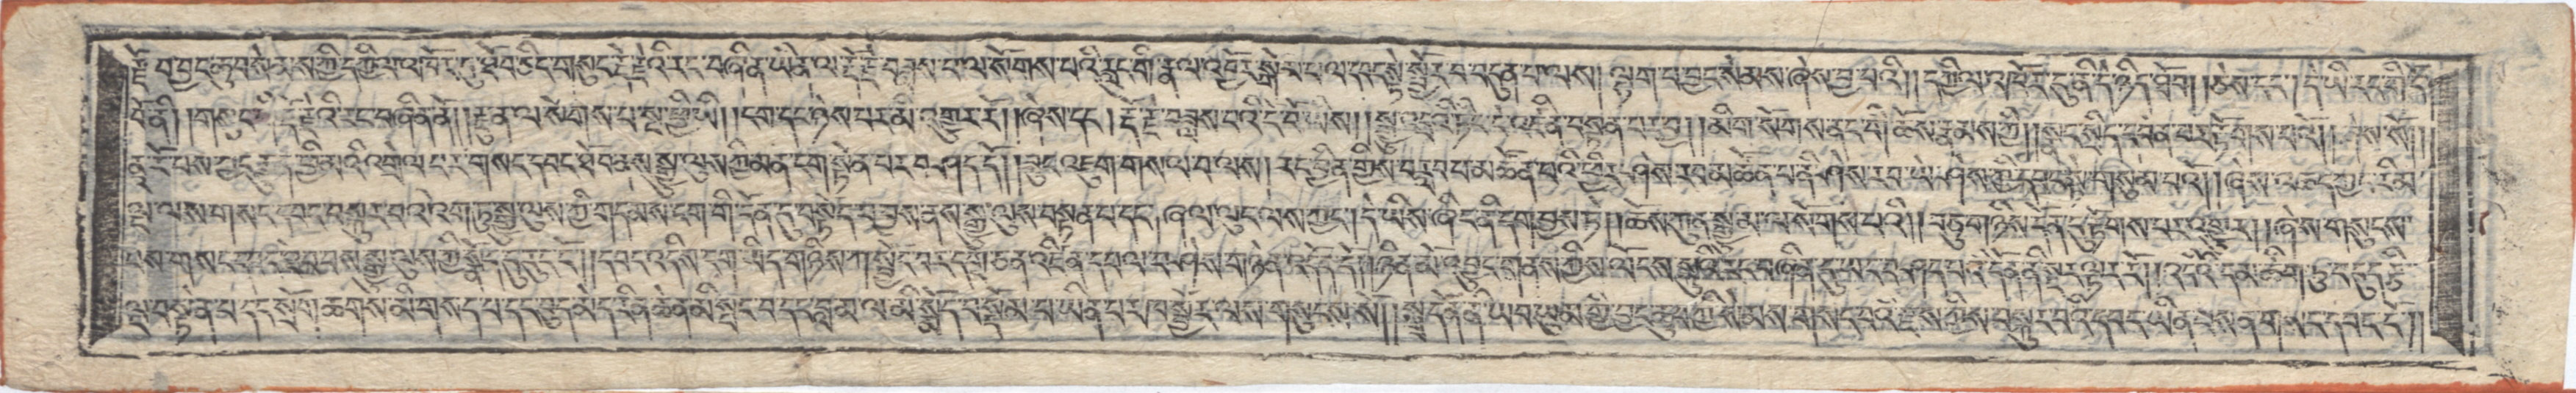རྫོབ་བྱང་ཆུབ་སེམས་ཀྱི་དཀྱིལ་འཁོར་དུ་ཐོབ་ཅིང་གསུང་རྡོ་རྗེའི་རང་བཞིན་ཡིན་ལ་རྡོ་རྗེ་བཟླས་པ་ལ་སོགས་པའི་རླུང་གི་རྣལ་འབྱོར་སྒོམ་པ་ལ་དབང་སྟེ་སྦྱོར་བ་བདུན་པ་ལས། ལྷག་པ་བྱང་སེམས་ཞེས་བྱ་བའི། །དཀྱིལ་འཁོར་དུ་ནི་དེ་ཉིད་ཐོབ། །ཅེས་དང་། དེ་ཡི་རང་གི་ངོ་
བོ་ནི། །གསུང་གི་རྡོ་རྗེའི་རང་བཞིན་ནོ། །རྫུན་ལ་སོགས་པ་སྔ་ཕྱི་ཡི། །ངག་དང་ཉེས་པར་མི་འགྱུར་རོ། །ཞེས་དང་། རྡོ་རྗེ་བཟླས་པའི་ངོ་བོ་ཡིས། །སྒྱུ་འདྲའི་ཏིང་ངེ་འཛིན་བསྟན་པར་བྱ། །མིག་སོགས་ནང་གི་ཆོས་རྣམས་ཀྱི། །སྣང་སྲིད་དབེན་པར་རྟོགས་པའོ། །ཞེས་སོ།།
ནཱ་རོ་པས་ཀྱང་རྒྱུད་ཕྱི་མའི་འགྲེལ་པར་གསང་དབང་ཐོབ་ནས་སྒྱུ་ལུས་ཀྱི་མན་ངག་སྟོན་པར་བཤད་དོ། །ཟུང་འཇུག་གསལ་བ་ལས། རང་བྱིན་གྱིས་བརླབ་པ་མཚོན་པའི་ཕྱིར་ཤེས་རབ་མཚོན་པ་ནི་ཤེས་རབ་ཡེ་ཤེས་ཀྱི་དབང་སྟེ་གསུམ་པའོ། །ཞེས་འཆད་ཀྱང་རིམ་
ལྔ་ལས་གསང་དབང་བསྐུར་བའི་འོག་ཏུ་སྒྱུ་ལུས་ཀྱི་གདམས་ངག་གི་དོན་དུ་བསྟོད་པ་བྱས་ནས་སྒྱུ་ལུས་བསྟན་པ་དང་། ཞལ་ལུང་ལས་ཀྱང་། དེ་ཡིས་ཞིང་ནི་དག་བྱས་ཏེ། །ཆོས་ཀུན་སྒྱུ་མ་ལ་སོགས་པའི། །བཅུ་གཉིས་དོན་དུ་རྟོགས་པར་འགྱུར། །ཞེས་གསུངས་
པས་གསང་དབང་ཐོབ་པས་སྒྱུ་ལུས་ཀྱི་སྣོད་དུ་རུང་ངོ། །དབང་འདིས་ངག་ཡིད་གཉིས་ཀ་སྦྱོང་བར་དགྲ་ཅན་འཛིན་དཔལ་བཤེས་གཉེན་འདོད་དོ། །ཉིན་མོ་འབྱུང་གནས་ཀྱིས་ལོངས་སྐུའི་རང་བཞིན་དུ་ཡང་བཤད་པའི་དོན་ནི་སྔར་ལྟར་རོ། །འདིའི་དམ་ཚིག་ཏུ་བདུད་རྩི་
ལྔ་བསྟེན་པ་དང་སྲོག་ཆགས་མི་གསད་པ་དང་བུད་མེད་རིན་ཆེན་མི་སྤང་བ་དང་བླ་མ་ལ་མི་སྨོད་པ་སྡོམ་པ་ཡིན་པར་ཁ་སྦྱོར་ལས་གསུངས་སོ། །སྒྲ་དོན་ནི་ཡབ་ཡུམ་གྱི་བྱང་ཆུབ་ཀྱི་སེམས་གསང་བའི་རྫས་ཀྱིས་བསྐུར་བའི་དབང་ཡིན་པས་ན་གསང་དབང་ངོ། །